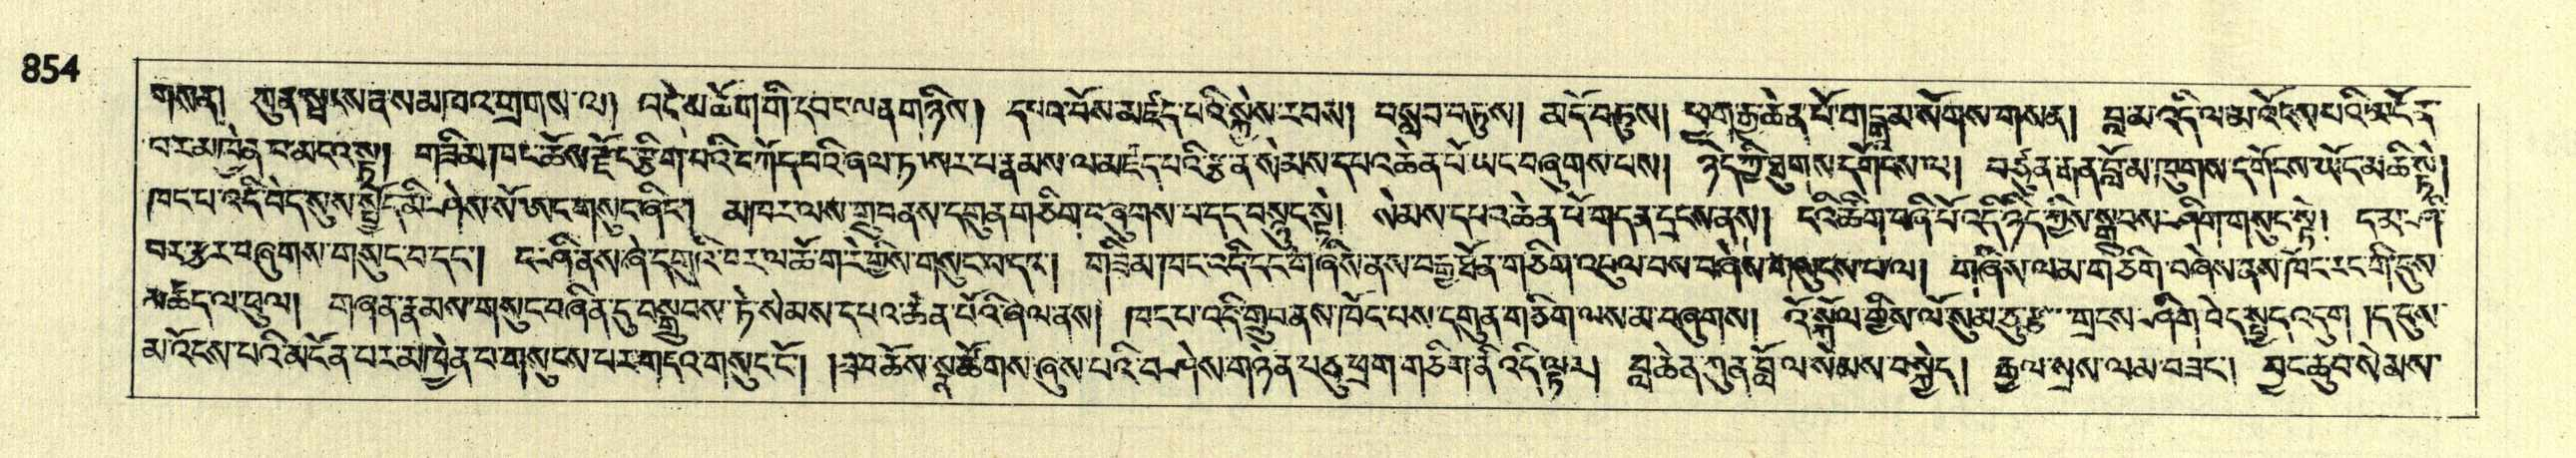གསན། ཀུན་སྤངས་ནས་མཁའ་གྲགས་ལ། འདེ་མཆོག་གི་དབང་ལན་གཉིས། དཔའ་བོས་མཛད་པའི་སྐྱེས་རབས། བསླབ་བཏུས། མདོ་བཏུས། ཕྱག་རྒྱ་ཆེན་པོ་གངྒཱ་མ་སོགས་གསན། བླ་མ་འདི་ལ་མ་འོངས་པའི་མངོན་
པར་མཁྱེན་བ་མངའ་སྟ། གཟིམ་ཁང་ཆོས་རྫོང་རྩིག་པའི་དཀོད་པའི་ཞལ་ཏ་ཨར་པ་རྣམས་ལ་མཛད་པའི་རྩ་ན་སེམས་དཔའ་ཆེན་པོ་ཡང་བཞུགས་པས། ཉིད་ཀྱི་ཐུགས་དགོངས་ལ། བཙུན་རྒན་བློ་མ་ཁུགས་དགོངས་ཡོང་མཆི་སྟེ།
ཁང་པ་འདི་བདེ་སུས་སྤྱོད་མི་ཤེས་སོ་ཨང་གསུང་ཞིང་། མཁར་ལས་གྲུབ་ནས་དགུན་གཅིག་བཞུགས་པ་དང་བསྙུང་སྟེ། སེམས་དཔའ་ཆེན་པོ་གདན་དྲངས་ནས། ངའི་ཚིག་བཞི་པོ་འདི་ཉིད་ཀྱིས་སྒྲུབས་ཤིག་གསུང་སྟེ། དམ་ཤི་
བར་རྩར་བཞུགས་གསུང་བ་དང་། ང་ཤི་ནས་ཞེ་དགུའི་བར་ལ་ཆོ་ག་རེ་གྱིས་གསུང་བ་དང་། གཟིམ་ཁང་འདི་དང་གཞིས་ནས་བརྒྱ་ཐོན་གཅིག་འབུལ་བས་བཞེས་གསུངས་པ་ལ། གཞིས་ལམ་གཅིག་བཞེས་ནས་ཁོང་རང་གི་དུས་
མཆོད་ལ་ཕུལ། གཞན་རྣམས་གསུང་བཞིན་དུ་བསྒྲུབས་ཏེ་སེམས་དཔའ་ཆེན་པོའི་ཞལ་ནས། ཁང་པ་འདི་གྲུབ་ནས་ཁོང་པས་དགུན་གཅིག་ལས་མ་བཞུགས། འོ་སྐོལ་གྱིས་ལོ་སུམ་ཅུ་རྩ་གྲངས་ཤིག་བདེ་སྤྱད་འདུག །ད་དུས་
མ་འོངས་པའི་མངོན་པར་མཁྱེན་པ་གསུངས་པར་གདའ་གསུང་ངོ། །ཟབ་ཆོས་སྣ་ཚོགས་ཞུས་པའི་བཤེས་གཉེན་བཅུ་ཕྲག་གཅིག་ནི་འདི་ལྟར། བླ་ཆེན་ཀུན་བློ་ལ་སེམས་བསྐྱེད། རྒྱལ་སྲས་ལམ་བཟང་། བྱང་ཆུབ་སེམས་